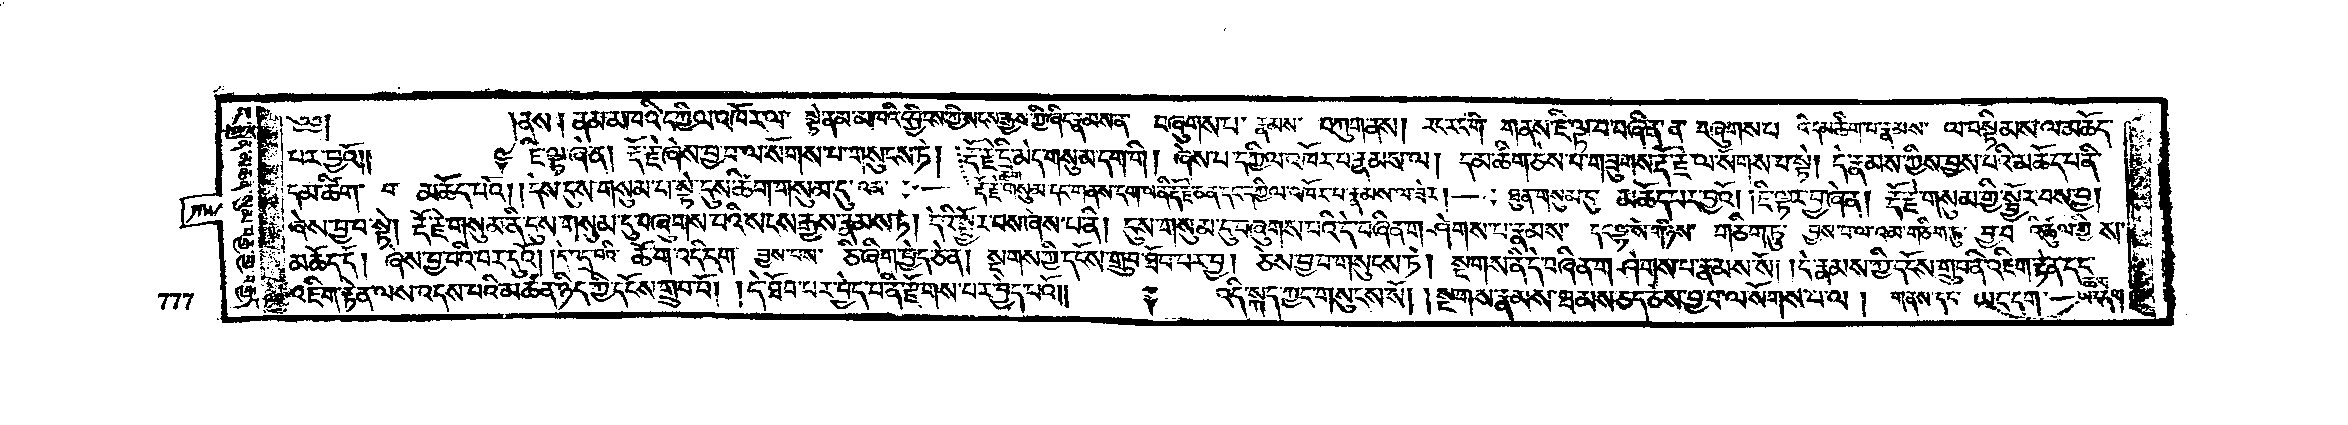༄༅། །ནས། ནམ་མཁའི་དཀྱིལ་འཁོར་ལ་སྟེ་ནམ་མཁའི་དབྱིངས་ཀྱི་སངས་རྒྱས་ཀྱི་ཞིང་རྣམས་ན་བཞུགས་པ་རྣམས་བཀུག་ནས་རང་རང་གི་གནས་ཇི་ལྟ་བ་བཞིན་ན་བཞུགས་པའི་དམ་ཚིག་པ་རྣམས་ལ་བསྟིམས་ལ་མཆོད་
པར་བྱའོ།། ༈ ཇི་ལྟ་ཞེ་ན། རྡོ་རྗེ་ཞེས་བྱ་བ་ལ་སོགས་པ་གསུངས་ཏེ། རྡོ་རྗེ་དྲི་མེད་གསུམ་དག་གི །ཞེས་པ་དཀྱིལ་འཁོར་བ་རྣམས་ལ། དམ་ཚིག་ཅེས་པ་གཟུགས་རྡོ་རྗེ་ལ་སོགས་པ་སྟེ། དེ་རྣམས་ཀྱིས་བྱས་པའི་མཆོད་པ་ནི་
དམ་ཚིག་པ་མཆོད་པའོ། །དེས་དུས་གསུམ་པ་སྟེ་དུས་ཚིག་གསུམ་དུ་འམ་H.་རྡོ་རྗེ་ཆག་གསུམ་དང་གནས་དག་ལ་ནི་རྡོ་རྗེ་ཅན་དང་དཀྱིལ་འཁོར་པ་རྣམས་ལ་ཟེར།.H ཐུན་གསུམ་དུ་མཆོད་པར་བྱའོ། །ཇི་ལྟར་བྱ་ཞེ་ན། རྡོ་རྗེ་གསུམ་གྱི་སྦྱོར་བས་བྱ།
ཞེས་བྱ་བ་སྟེ། རྡོ་རྗེ་གསུམ་ནི་དུས་གསུམ་དུ་བཞུགས་པའི་སངས་རྒྱས་རྣམས་ཏེ། དེའི་སྦྱོར་བས་ཞེས་པ་ནི། དུས་གསུམ་དུ་བཞུགས་པའི་དེ་བཞིན་གཤེགས་པ་རྣམས་དང་ལྷ་སོ་གཉིས་གཅིག་ཏུ་བྱས་པ་ལ་འམ་གཅིག་ཏུ་བྱ་བའི་ཚུལ་གྱིས
མཆོད་དོ། །ཞེས་བྱ་བའི་བར་དུའོ། ། དེ་འདྲ་བའི་ཆོ་ག་འདི་དག་བྱས་པས་ཅི་ཞིག་བྱེད་ཅེ་ན། སྔགས་ཀྱི་དངོས་གྲུབ་ཐོབ་པར་བྱ། ཅེས་བྱ་བ་གསུངས་ཏེ། སྔགས་ནི་དེ་བཞིན་གཤེགས་པ་རྣམས་སོ། །དེ་རྣམས་ཀྱི་དངོས་གྲུབ་ནི་འཇིག་རྟེན་དང་
འཇིག་རྟེན་ལས་འདས་པའི་མཚན་ཉིད་ཀྱི་དངོས་གྲུབ་བོ། །དེ་ཐོབ་པར་བྱེད་པ་ནི་རྫོགས་པར་བྱེད་པའོ།། ༈ འདི་སྐད་ཀྱང་གསུངས་སོ། །སྔགས་རྣམས་ཐམས་ཅད་ཅེས་བྱ་བ་ལ་སོགས་པ་ལ། གནས་དང་ཡང་དགཿ་ཆག་ཡང་དག་